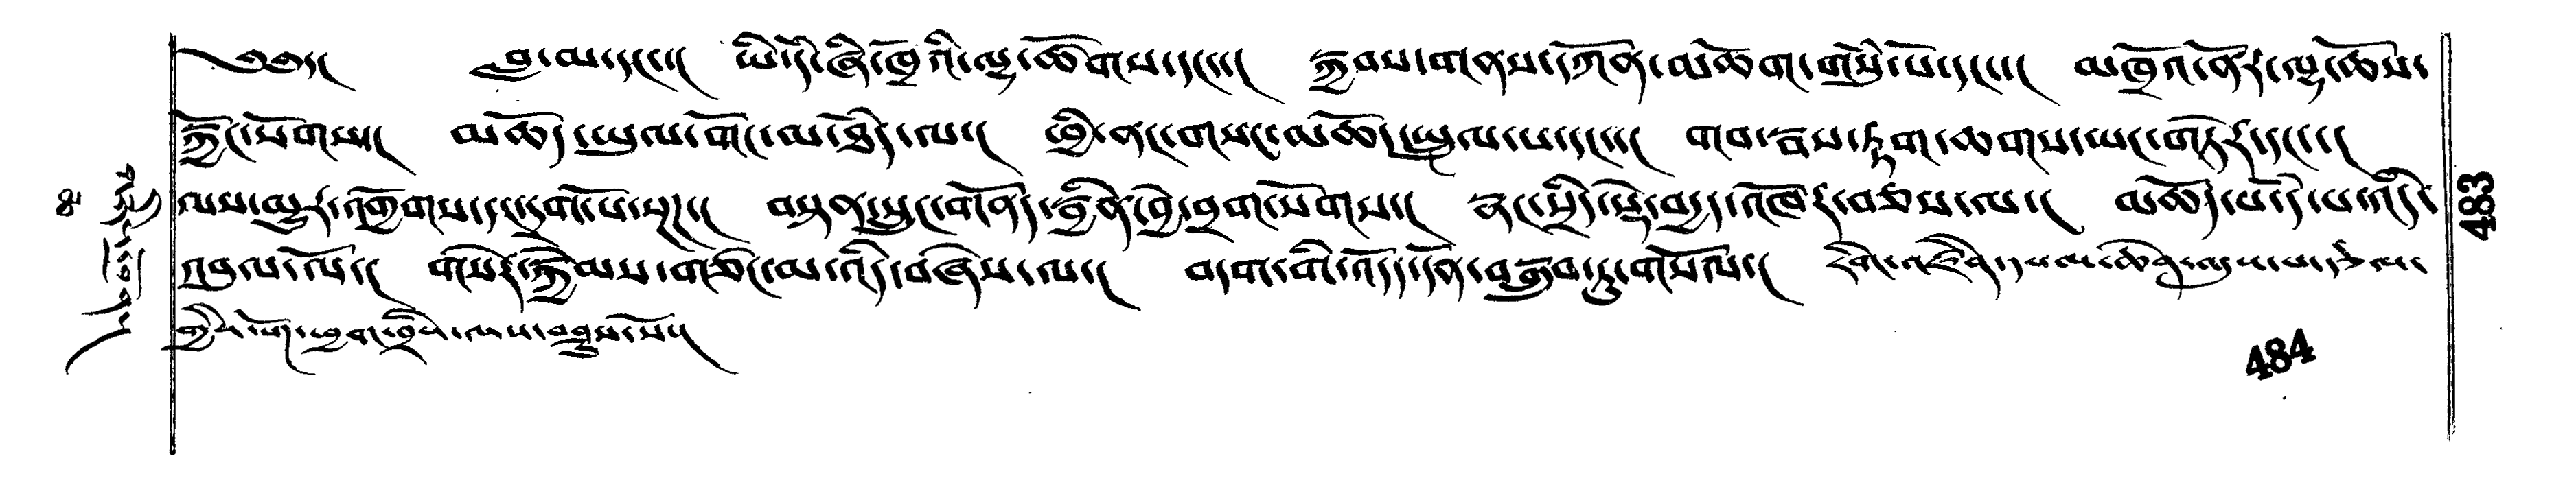བླ་མ་དང་། །ཡི་དམ་ཞི་ཁྲོའི་ལྷ་ཚོགས་དང་། སྐྱབས་གནས་དཀོན་མཆོག་གསུམ་པོ་དང་། །མཁའ་འགྲོ་ནོར་ལྷ་ཆོས་
སྐྱོང་སོགས། །མཆོད་ཡུལ་གོང་མ་ཐམས་ཅད་ལ། །མཆོད་པ་དམ་པ་འདི་འབུལ་ལོ། །གབ་སྦས་རྟག་ཆགས་གཡང་གཏེར་དང་། །
ལས་མྱུར་འགྱོགས་དང་དྲག་པོ་སྔགས། །བསྟན་སྲུང་གནོད་སྦྱིན་བྱེ་བྲག་སོགས། །སྣང་སྲིད་སྡེ་བརྒྱད་འཁོར་བཅས་ལ། །མཆོད་པ་དམ་པ་འདི་
འབུལ་ལོ། །གསེར་སྐྱེམས་གཙང་མ་འདི་བཞེས་ལ། །བདག་གི་འདོད་དོན་བསྒྲུབ་ཏུ་གསོལ། རིག་འཛིན་དཔལ་ཆེན་འདུས་པ་རྩལ་
གྱི་ཕྱག་བྲིས་ལས་བཤུས་སོ།།